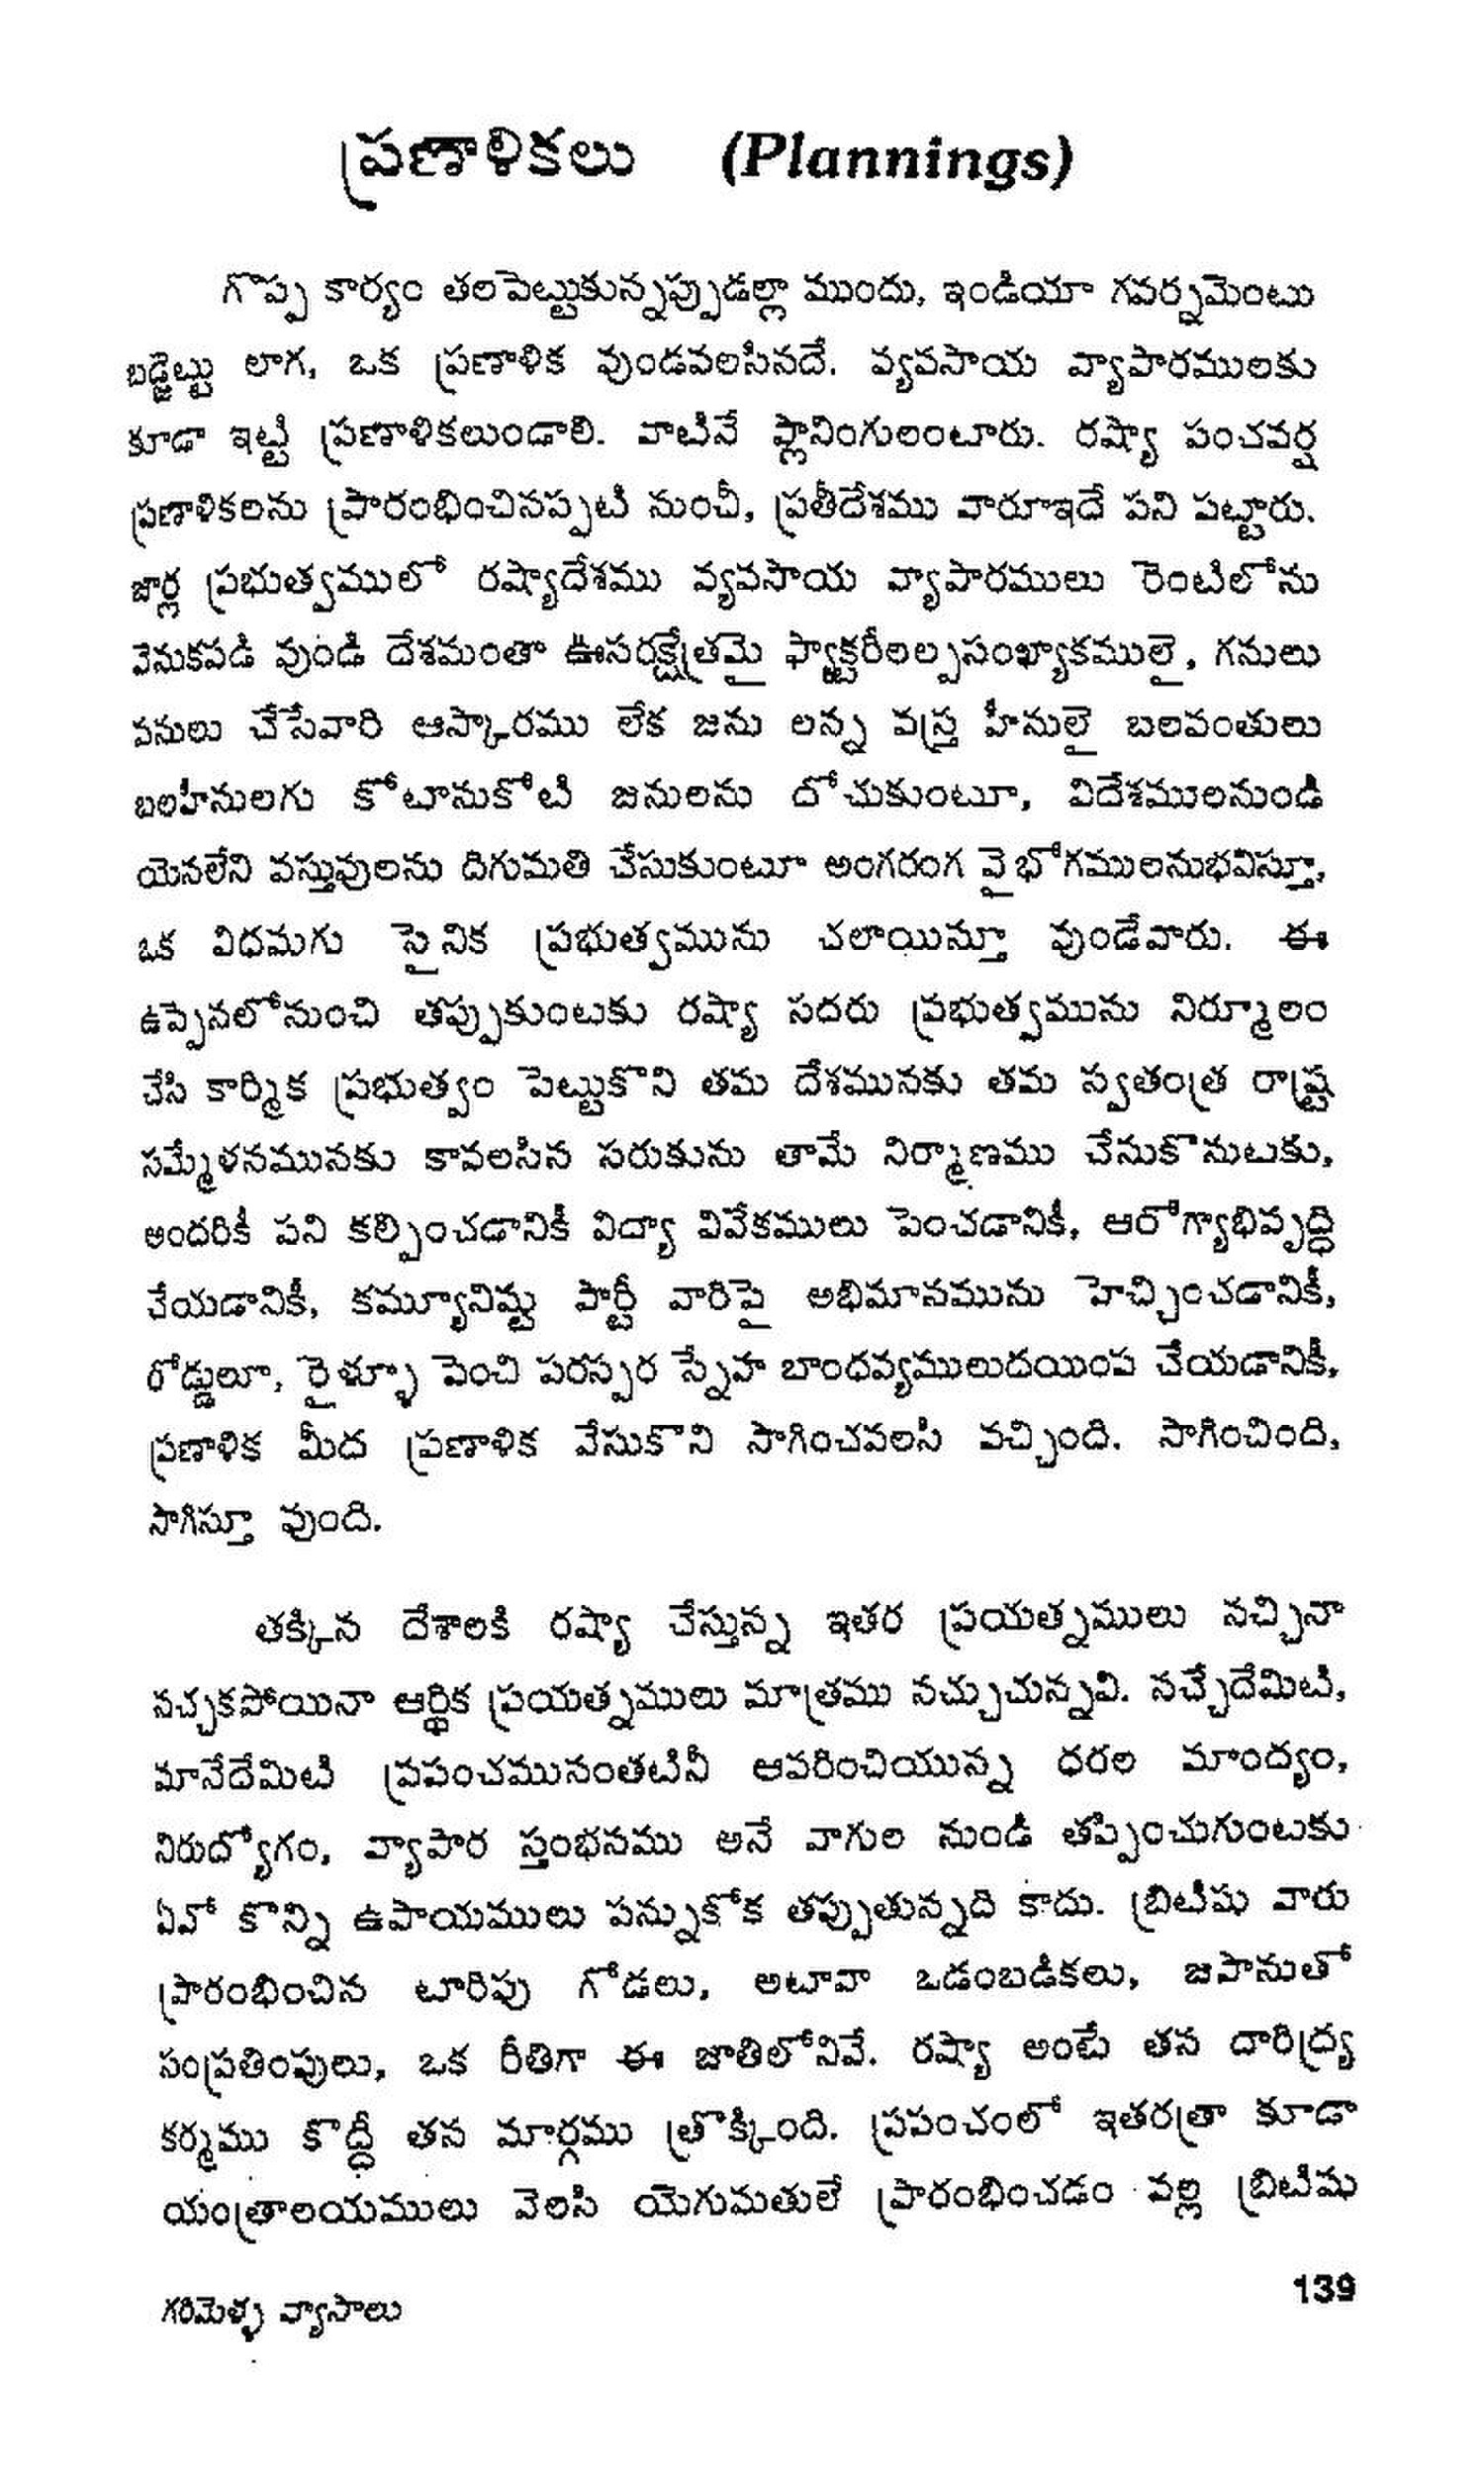ప్రణాళికలు (Plannings)
 
గొప్ప కార్యం తలపెట్టుకున్నప్పుడల్లా ముందు. ఇండియా గవర్నమెంటు బడ్జెట్టు లాగ, ఒక ప్రణాళిక వుండవలసినదే. వ్యవసాయ వ్యాపారములకు కూడా ఇట్టి ప్రణాళికలుండాలి. వాటినే ప్లానింగులంటారు. రష్యా పంచవర్ష ప్రణాళికలను ప్రారంభించినప్పటి నుంచీ, ప్రతీదేశము వారూ ఇదే పని పట్టారు. జార్ల ప్రభుత్వములో రష్యాదేశము వ్యవసాయ వ్యాపారములు రెంటిలోను వెనుకపడి వుండి దేశమంతా ఊసరక్షేత్రమై ఫ్యాక్టరీలల్పసంఖ్యాకములై, గనులు పనులు చేసేవారి ఆస్కారము లేక జను లన్న వస్త్ర హీనులై, బలవంతులు బలహీనులగు కోటానుకోటి జనులను దోచుకుంటూ, విదేశములనుండి యెనలేని వస్తువులను దిగుమతి చేసుకుంటూ అంగరంగ వైభవములనుభవిస్తూ ఒక విధమగు సైనిక ప్రభుత్వమును చలాయిస్తూ వుండేవారు. ఈ ఉప్పెనలోనుంచి తప్పుకుంటకు రష్యా సదరు ప్రభుత్వమును నిర్మూలంచేసి కార్మిక ప్రభుత్వం పెట్టుకొని తమ దేశమునకు తమ స్వతంత్ర రాష్ట్ర సమ్మేళనమునకు కావలసిన సరుకును తామే నిర్మాణము చేసుకొనుటకు, అందరికీ పని కల్పించడానికీ విద్యా వివేకములు పెంచడానికీ, ఆరోగ్యాభివృద్ది చేయడానికి, కమ్యూనిష్టు పార్టీ వారిపై అభిమానమును హెచ్చించడానికి, రోడ్డులూ, రైళ్ళూ పెంచి పరస్పర స్నేహ బాంధవ్యములుదయింప చేయడానికి, ప్రణాళిక మీద ప్రణాలిక వేసుకొని సాగించవలసి వచ్చింది. సాగించింది, సాగిస్తూ వుంది.

తక్కిన దేశాలకి రష్యా చేస్తున్న ఇతర ప్రయత్నములు నచ్చినా నచ్చకపోయినా ఆర్థిక ప్రయత్నములు మాత్రము నచ్చుచున్నవి. నచ్చేదేమిటి, మానేదేమిటి ప్రపంచమునంతటినీ ఆవరించియున్న ధరల మాంద్యం, నిరుద్యోగం, వ్యాపార స్తంభనము అనే వాగుల నుండి తప్పించుగుంటకు ఏవో కొన్ని ఉపాయములు పన్నుకోక తప్పుతున్నది కాదు. బ్రిటిషు వారు ప్రారంభించిన టారిపు గోడలు, అటావా ఒడంబడికలు, జపానుతో సంప్రతింపులు, ఒక రీతిగా ఈ జాతిలోనివే. రష్యా అంటే తన దారిద్ర్య కర్మము కొద్దీ తన మార్గము త్రొక్కింది. ప్రపంచంలో ఇతరత్రా కూడా యంత్రాలయములు వెలసి యెగుమతులే ప్రారంభించడం వల్ల బ్రిటిషు